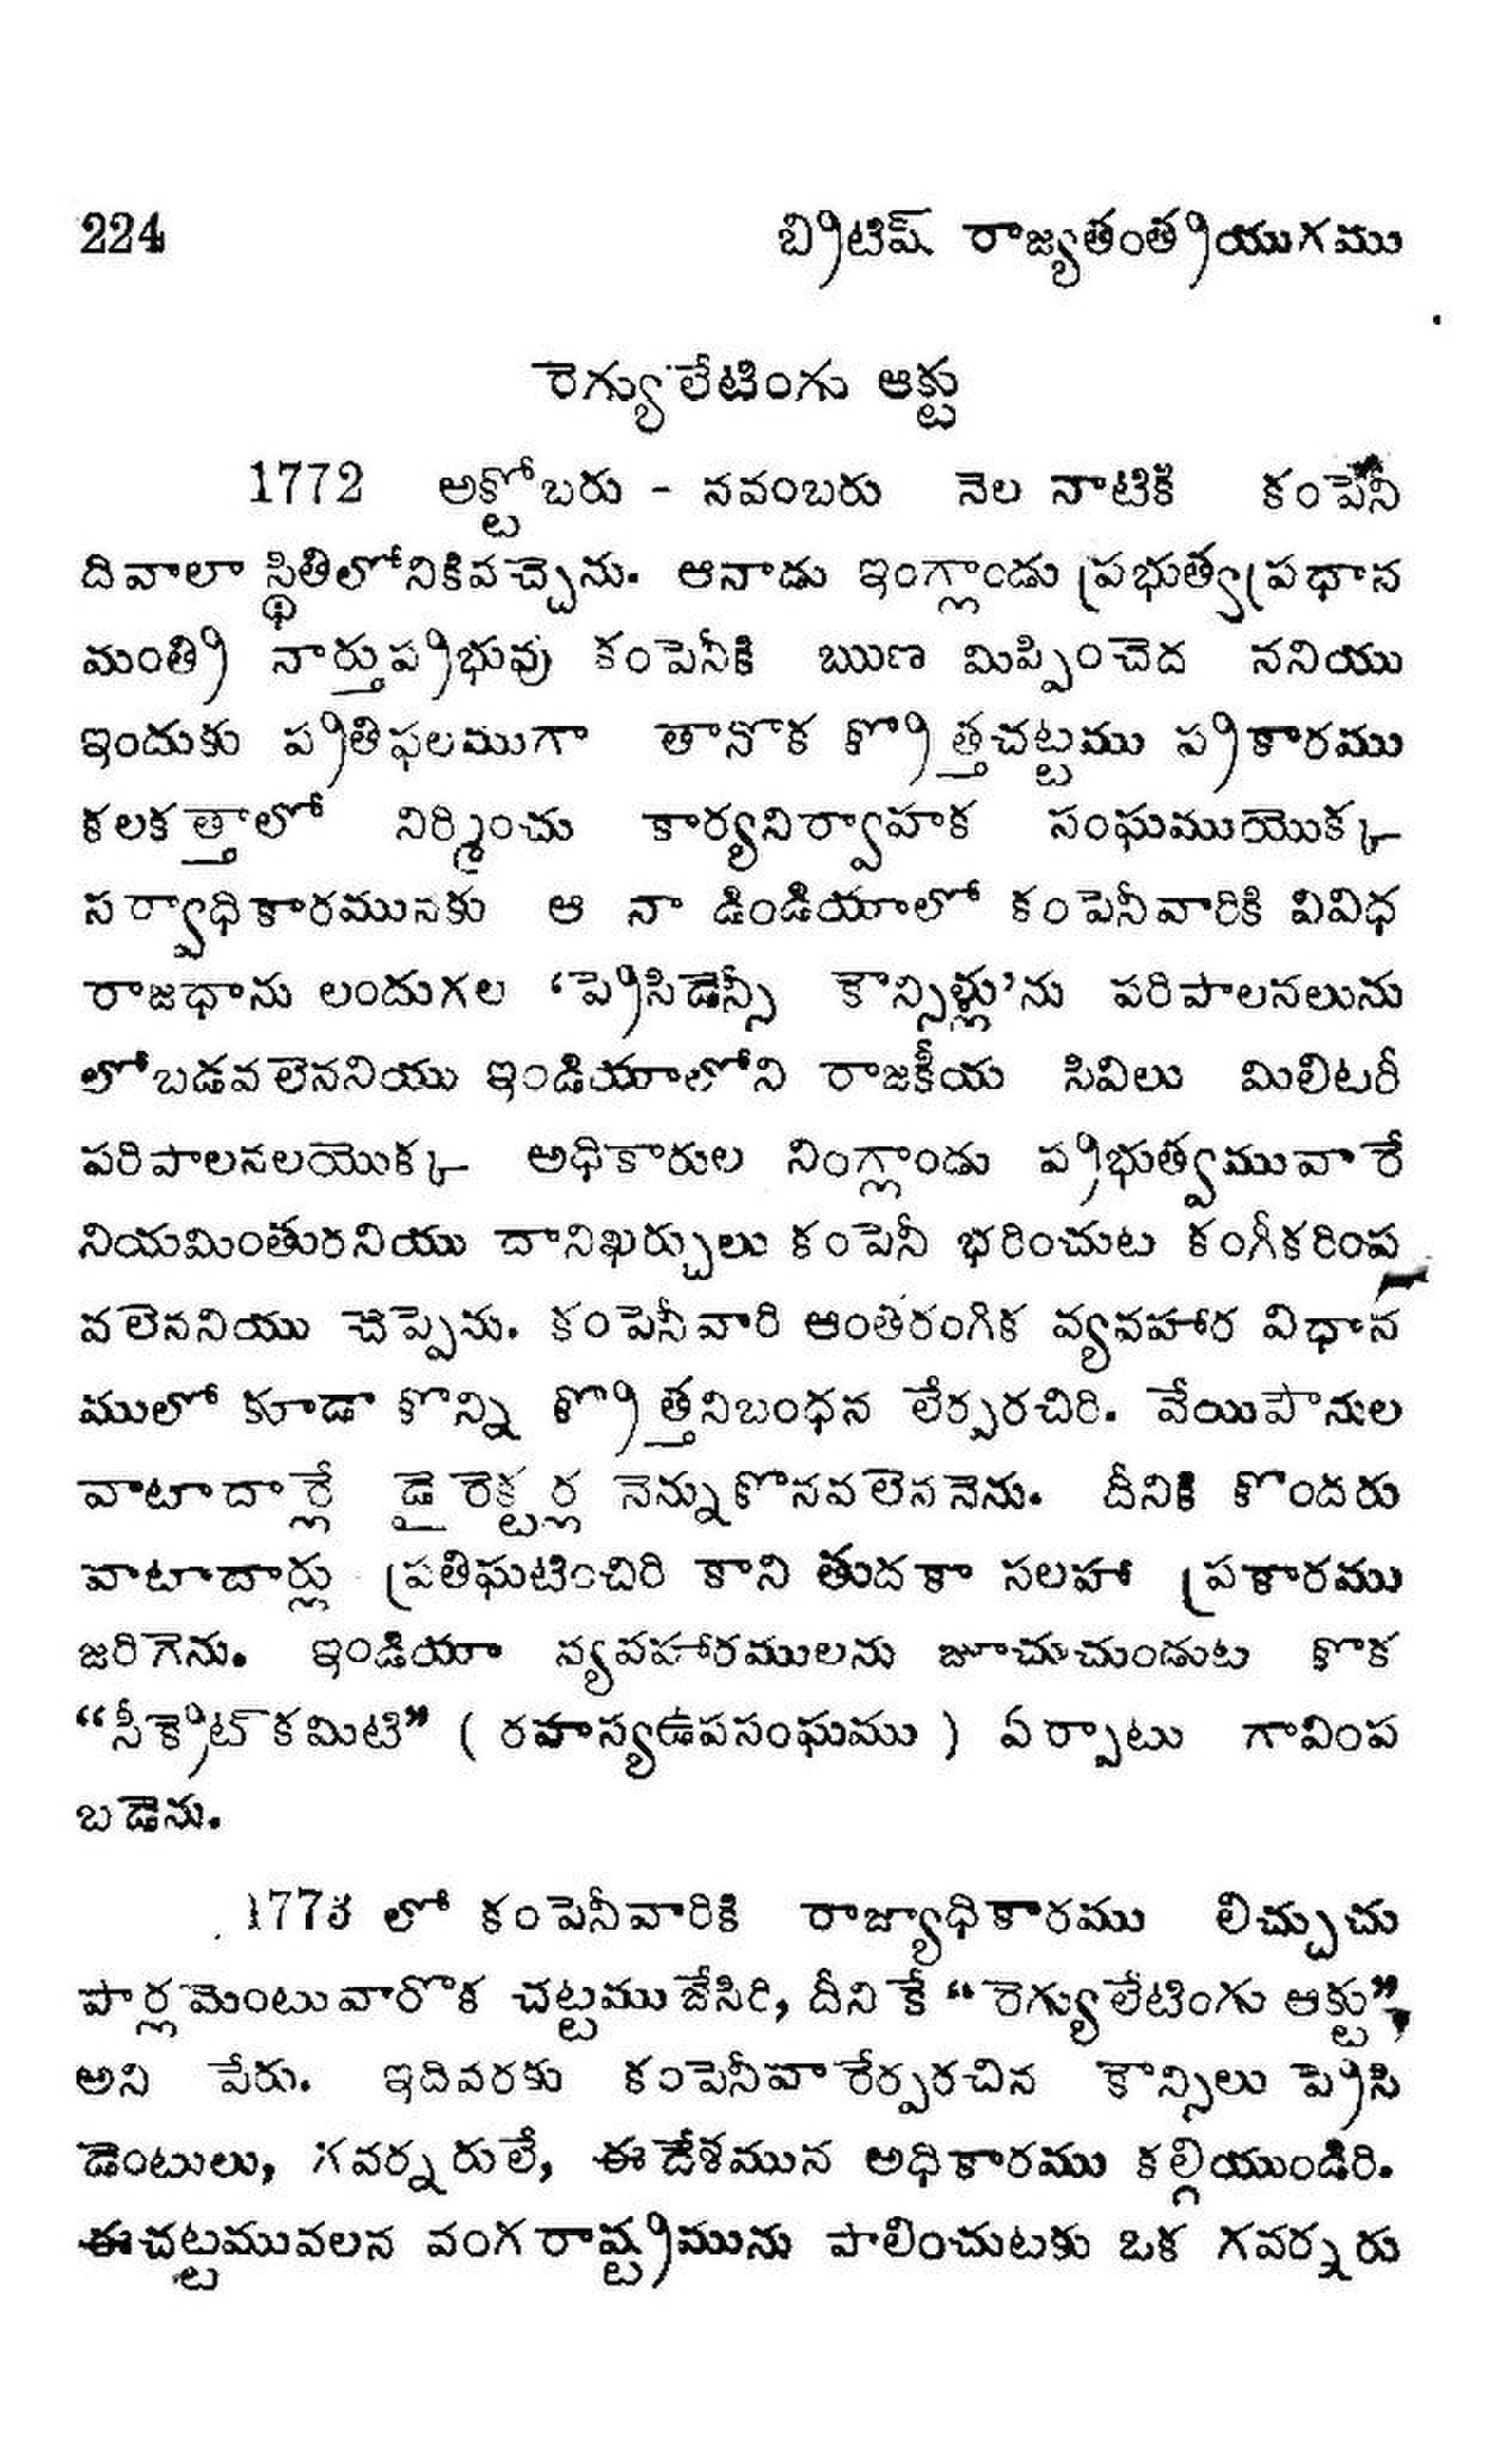1772 అక్టోబరు - నవంబరు నెల నాటికి కంపెనీ దివాలా స్థితిలోనికివచ్చెను. ఆనాడు ఇంగ్లాండు ప్రభుత్వప్రధానమంత్రి నార్తుప్రభువు కంపెనీకి ఋణ మిప్పించెద ననియు ఇందుకు ప్రతిఫలముగా తానొక క్రొత్తచట్టము ప్రకారము కలకత్తాలో నిర్మించు కార్యనిర్వాహక సంఘముయొక్క సర్వాధికారమునకు ఆ నా డిండియాలో కంపెనీవారికి వివిధ రాజధాను లందుగల 'ప్రెసిడెన్సీ కౌన్సిళ్లు'ను పరిపాలనలును లోబడవలెననియు ఇండియాలోని రాజకీయ సివిలు మిలిటరీ పరిపాలనలయొక్క అధికారుల నింగ్లాండు ప్రభుత్వమువారే నియమింతురనియు దానిఖర్చులు కంపెనీ భరించుట కంగీకరింపవలెననియు చెప్పెను. కంపెనీవారి ఆంతరంగిక వ్యవహార విధానములో కూడా కొన్ని క్రొత్తనిబంధన లేర్పరచిరి. వేయిపౌనుల వాటాదార్లే డైరెక్టర్ల నెన్నుకొనవలెననెను. దీనికి కొందరు వాటాదార్లు ప్రతిఘటించిరి కాని తుదకా సలహా ప్రకారము జరిగెను. ఇండియా వ్యవహారములను జూచుచుండుట కొక “సీక్రెట్ కమిటి" ( రహస్యఉపసంఘము ) ఏర్పాటు గావింపబడెను.

1773 లో కంపెనీ వారికి రాజ్యాధికారము లిచ్చుచు పార్లమెంటువారొక చట్టముజేసిరి, దీని కే “ రెగ్యులేటింగు ఆక్టు" అని పేరు. ఇదివరకు కంపెనీవారేర్పరచిన కౌన్సిలు ప్రెసిడెంటులు, గవర్నరులే, ఈ దేశమున అధికారము కల్గియుండిరి. ఈచట్టమువలన వంగరాష్ట్రమును పాలించుటకు ఒక గవర్నరు